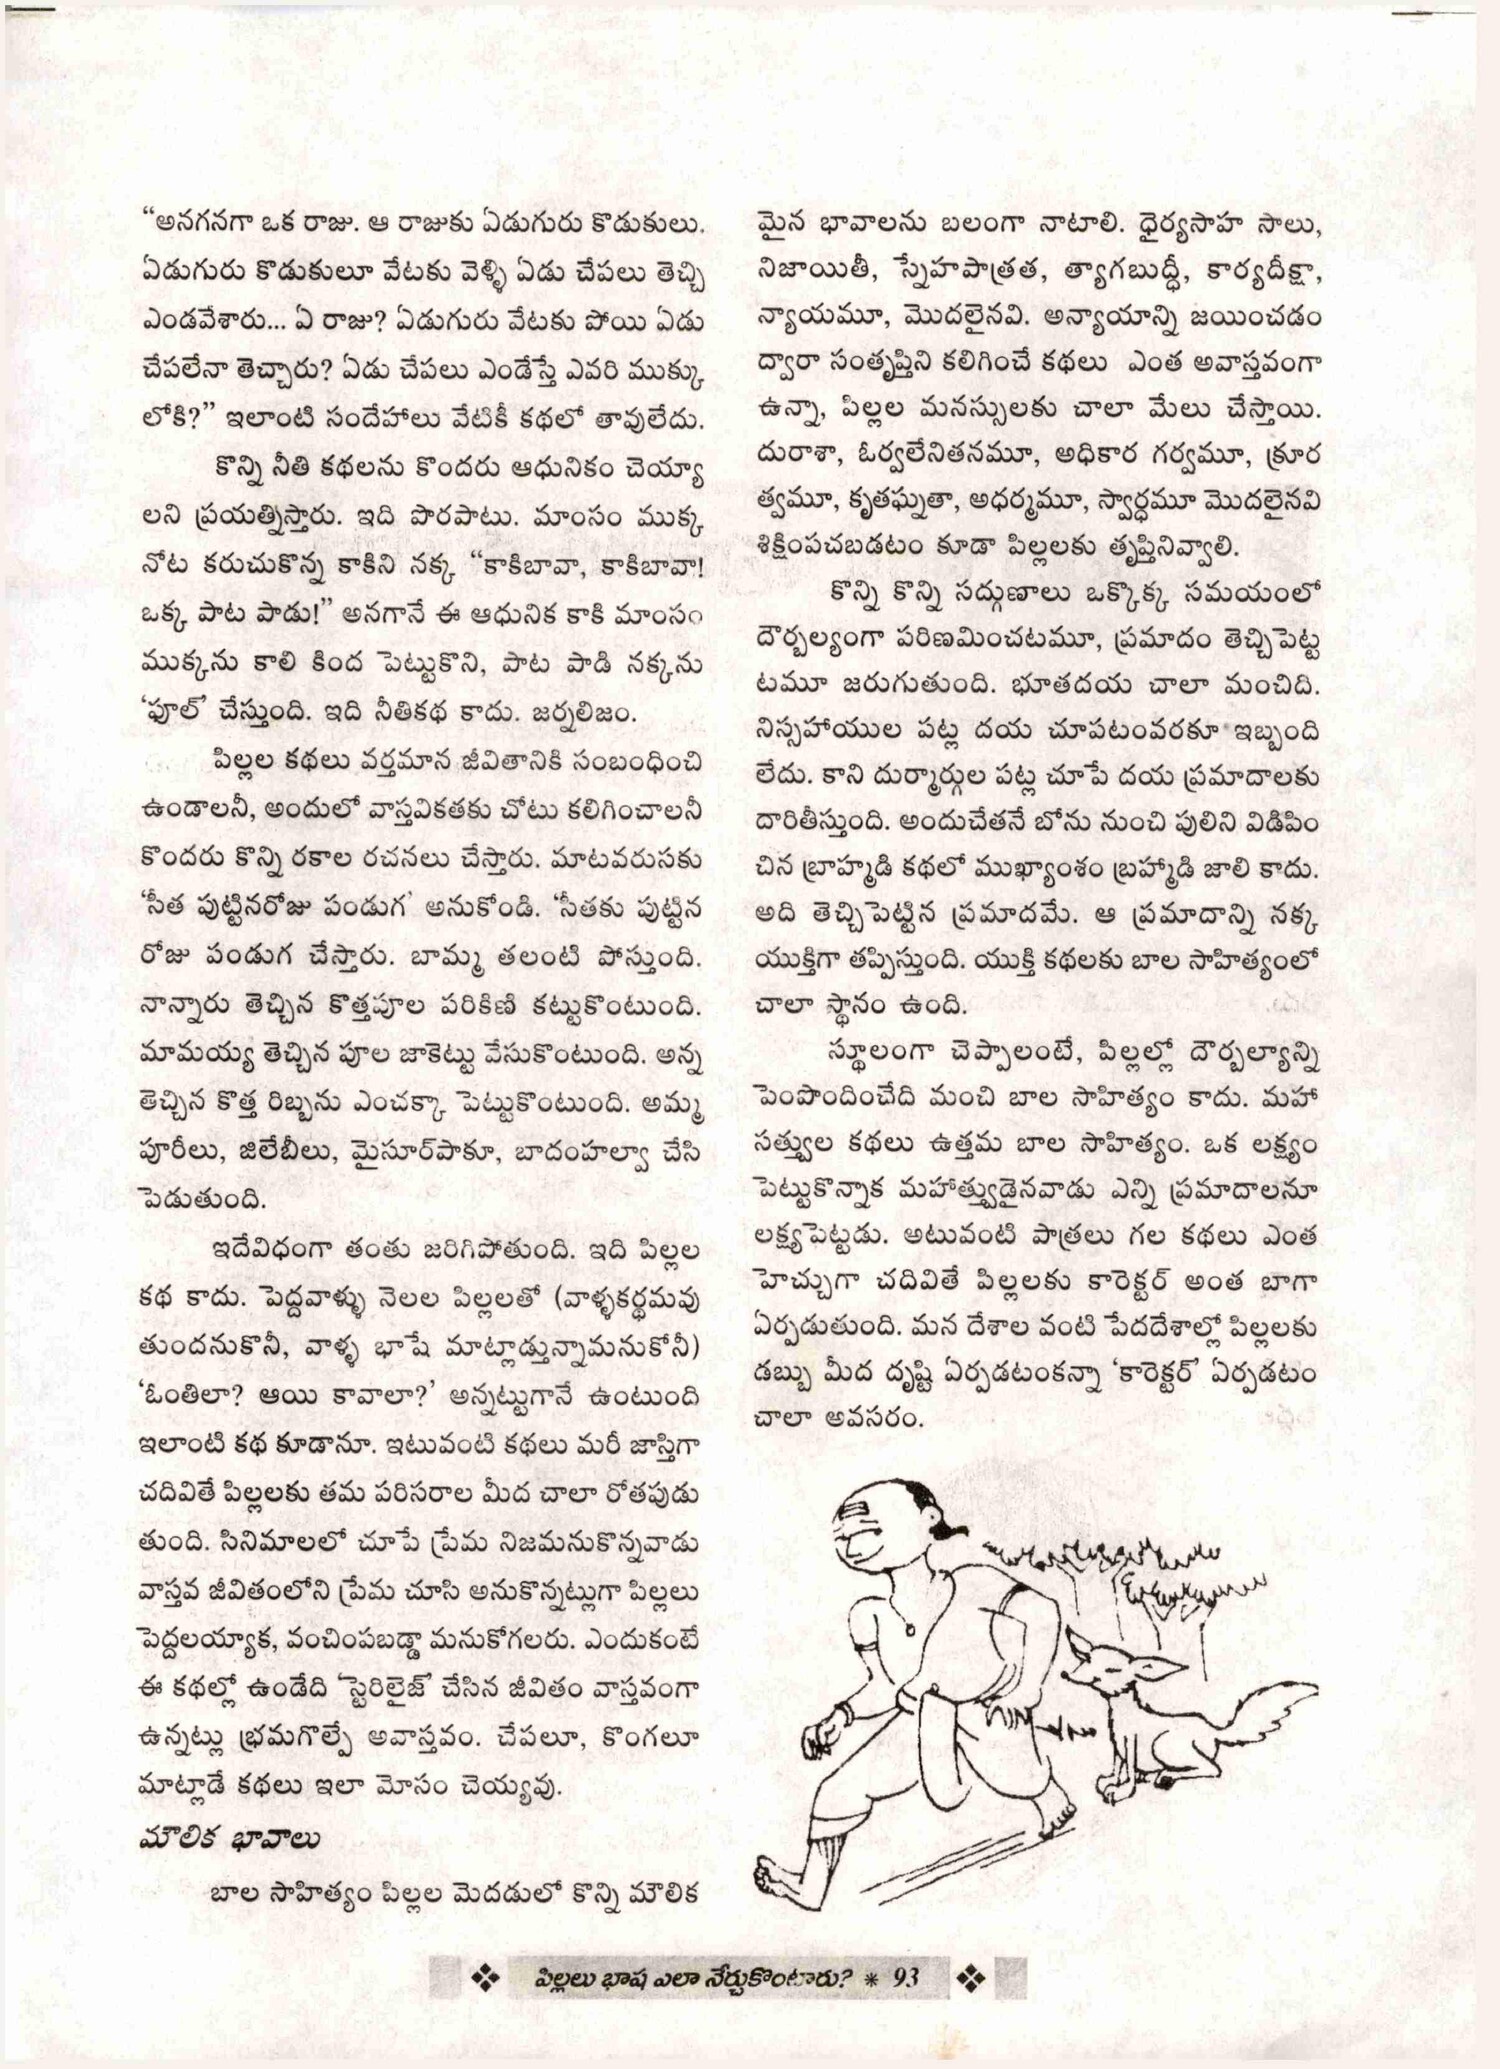“అనగనగా ఒక రాజు. ఆ రాజుకు ఏడుగురు కొడుకులు. ఏడుగురు కొడుకులూ వేటకు వెళ్ళి ఏడు చేపలు తెచ్చి
ఎండవేశారు... ఏ రాజు? ఏడుగురు వేటకు పోయి ఏడు చేపలేనా తెచ్చారు? ఏడు చేపలు ఎండేస్తే ఎవరి ముక్కులోకి?" ఇలాంటి సందేహాలు వేటికీ కథలో తావులేదు.

కొన్ని నీతి కథలను కొందరు ఆధునికం చెయ్యాలని ప్రయత్నిస్తారు. ఇది పొరపాటు. మాంసం ముక్క నోట కరుచుకొన్న కాకిని నక్క “కాకిబావా, కాకిబావా! ఒక్క పాట పాడు!" అనగానే ఈ ఆధునిక కాకి మాంసం ముక్కను కాలి కింద పెట్టుకొని, పాట పాడి నక్కను 'ఫూల్ చేస్తుంది. ఇది నీతికథ కాదు. జర్నలిజం.

పిల్లల కథలు వర్తమాన జీవితానికి సంబంధించి ఉండాలనీ, అందులో వాస్తవికతకు చోటు కలిగించాలనీ కొందరు కొన్ని రకాల రచనలు చేస్తారు. మాటవరుసకు 'సీత పుట్టినరోజు పండుగ' అనుకోండి. 'సీతకు పుట్టిన రోజు పండుగ చేస్తారు. బామ్మ తలంటి పోస్తుంది. నాన్నారు తెచ్చిన కొత్తపూల పరికిణి కట్టుకొంటుంది. మామయ్య తెచ్చిన పూల జాకెట్టు వేసుకొంటుంది. అన్న తెచ్చిన కొత్త రిబ్బను ఎంచక్కా పెట్టుకొంటుంది. అమ్మ పూరీలు, జిలేబీలు, మైసూర్‌పాకూ, బాదంహల్వా చేసి పెడుతుంది.

ఇదేవిధంగా తంతు జరిగిపోతుంది. ఇది పిల్లల కథ కాదు. పెద్దవాళ్ళు నెలల పిల్లలతో (వాళ్ళకర్థమవుతుందనుకొనీ, వాళ్ళ భాషే మాట్లాడ్తున్నామనుకోనీ) 'ఓంతిలా? ఆయి కావాలా?' అన్నట్టుగానే ఉంటుంది ఇలాంటి కథ కూడానూ. ఇటువంటి కథలు మరీ జాస్తిగా చదివితే పిల్లలకు తమ పరిసరాల మీద చాలా రోతపుడుతుంది. సినిమాలలో చూపే ప్రేమ నిజమనుకొన్నవాడు వాస్తవ జీవితంలోని ప్రేమ చూసి అనుకొన్నట్లుగా పిల్లలు పెద్దలయ్యాక, వంచింపబడ్డా మనుకోగలరు. ఎందుకంటే ఈ కథల్లో ఉండేది 'స్టెరిలైజ్‌' చేసిన జీవితం వాస్తవంగా ఉన్నట్లు భ్రమగొల్పే అవాస్తవం. చేపలూ, కొంగలూ మాట్లాడే కథలు ఇలా మోసం చెయ్యవు.

మౌలిక భావాలు

బాల సాహిత్యం పిల్లల మెదడులో కొన్ని మౌలికమైన భావాలను బలంగా నాటాలి. ధైర్యసాహ సాలు, నిజాయితీ, స్నేహపాత్రత, త్యాగబుద్ధి, కార్యదీక్షా, న్యాయమూ, మొదలైనవి. అన్యాయాన్ని జయించడం ద్వారా సంతృప్తిని కలిగించే కథలు ఎంత అవాస్తవంగా ఉన్నా, పిల్లల మనస్సులకు చాలా మేలు చేస్తాయి. దురాశా, ఓర్వలేనితనమూ, అధికార గర్వమూ, క్రూరత్వమూ, కృతఘ్నతా, అధర్మమూ, స్వార్ధమూ మొదలైనవి శిక్షించబడటం కూడా పిల్లలకు తృప్తినివ్వాలి.

కొన్ని కొన్ని సద్గుణాలు ఒక్కొక్క సమయంలో దౌర్బల్యంగా పరిణమించటమూ, ప్రమాదం తెచ్చిపెట్టటమూ జరుగుతుంది. భూతదయ చాలా మంచిది. నిస్సహాయుల పట్ల దయ చూపటంవరకూ ఇబ్బంది లేదు. కాని దుర్మార్గుల పట్ల చూపే దయ ప్రమాదాలకు దారితీస్తుంది. అందుచేతనే బోను నుంచి పులిని విడిపించిన బ్రాహ్మడి కథలో ముఖ్యాంశం బ్రహ్మాడి జాలి కాదు. అది తెచ్చిపెట్టిన ప్రమాదమే. ఆ ప్రమాదాన్ని నక్క యుక్తిగా తప్పిస్తుంది. యుక్తి కథలకు బాల సాహిత్యంలో చాలా స్థానం ఉంది.

స్థూలంగా చెప్పాలంటే, పిల్లల్లో దౌర్బల్యాన్ని పెంపొందించేది మంచి బాల సాహిత్యం కాదు. మహా సత్త్వుల కథలు ఉత్తమ బాల సాహిత్యం. ఒక లక్ష్యం పెట్టుకొన్నాక మహాత్త్వుడైనవాడు ఎన్ని ప్రమాదాలనూ లక్ష్యపెట్టడు. అటువంటి పాత్రలు గల కథలు ఎంత హెచ్చుగా చదివితే పిల్లలకు కారెక్టర్ అంత బాగా ఏర్పడుతుంది. మన దేశాల వంటి పేదదేశాల్లో పిల్లలకు డబ్బు మీద దృష్టి ఏర్పడటంకన్నా 'కారెక్టర్' ఏర్పడటం చాలా అవసరం.